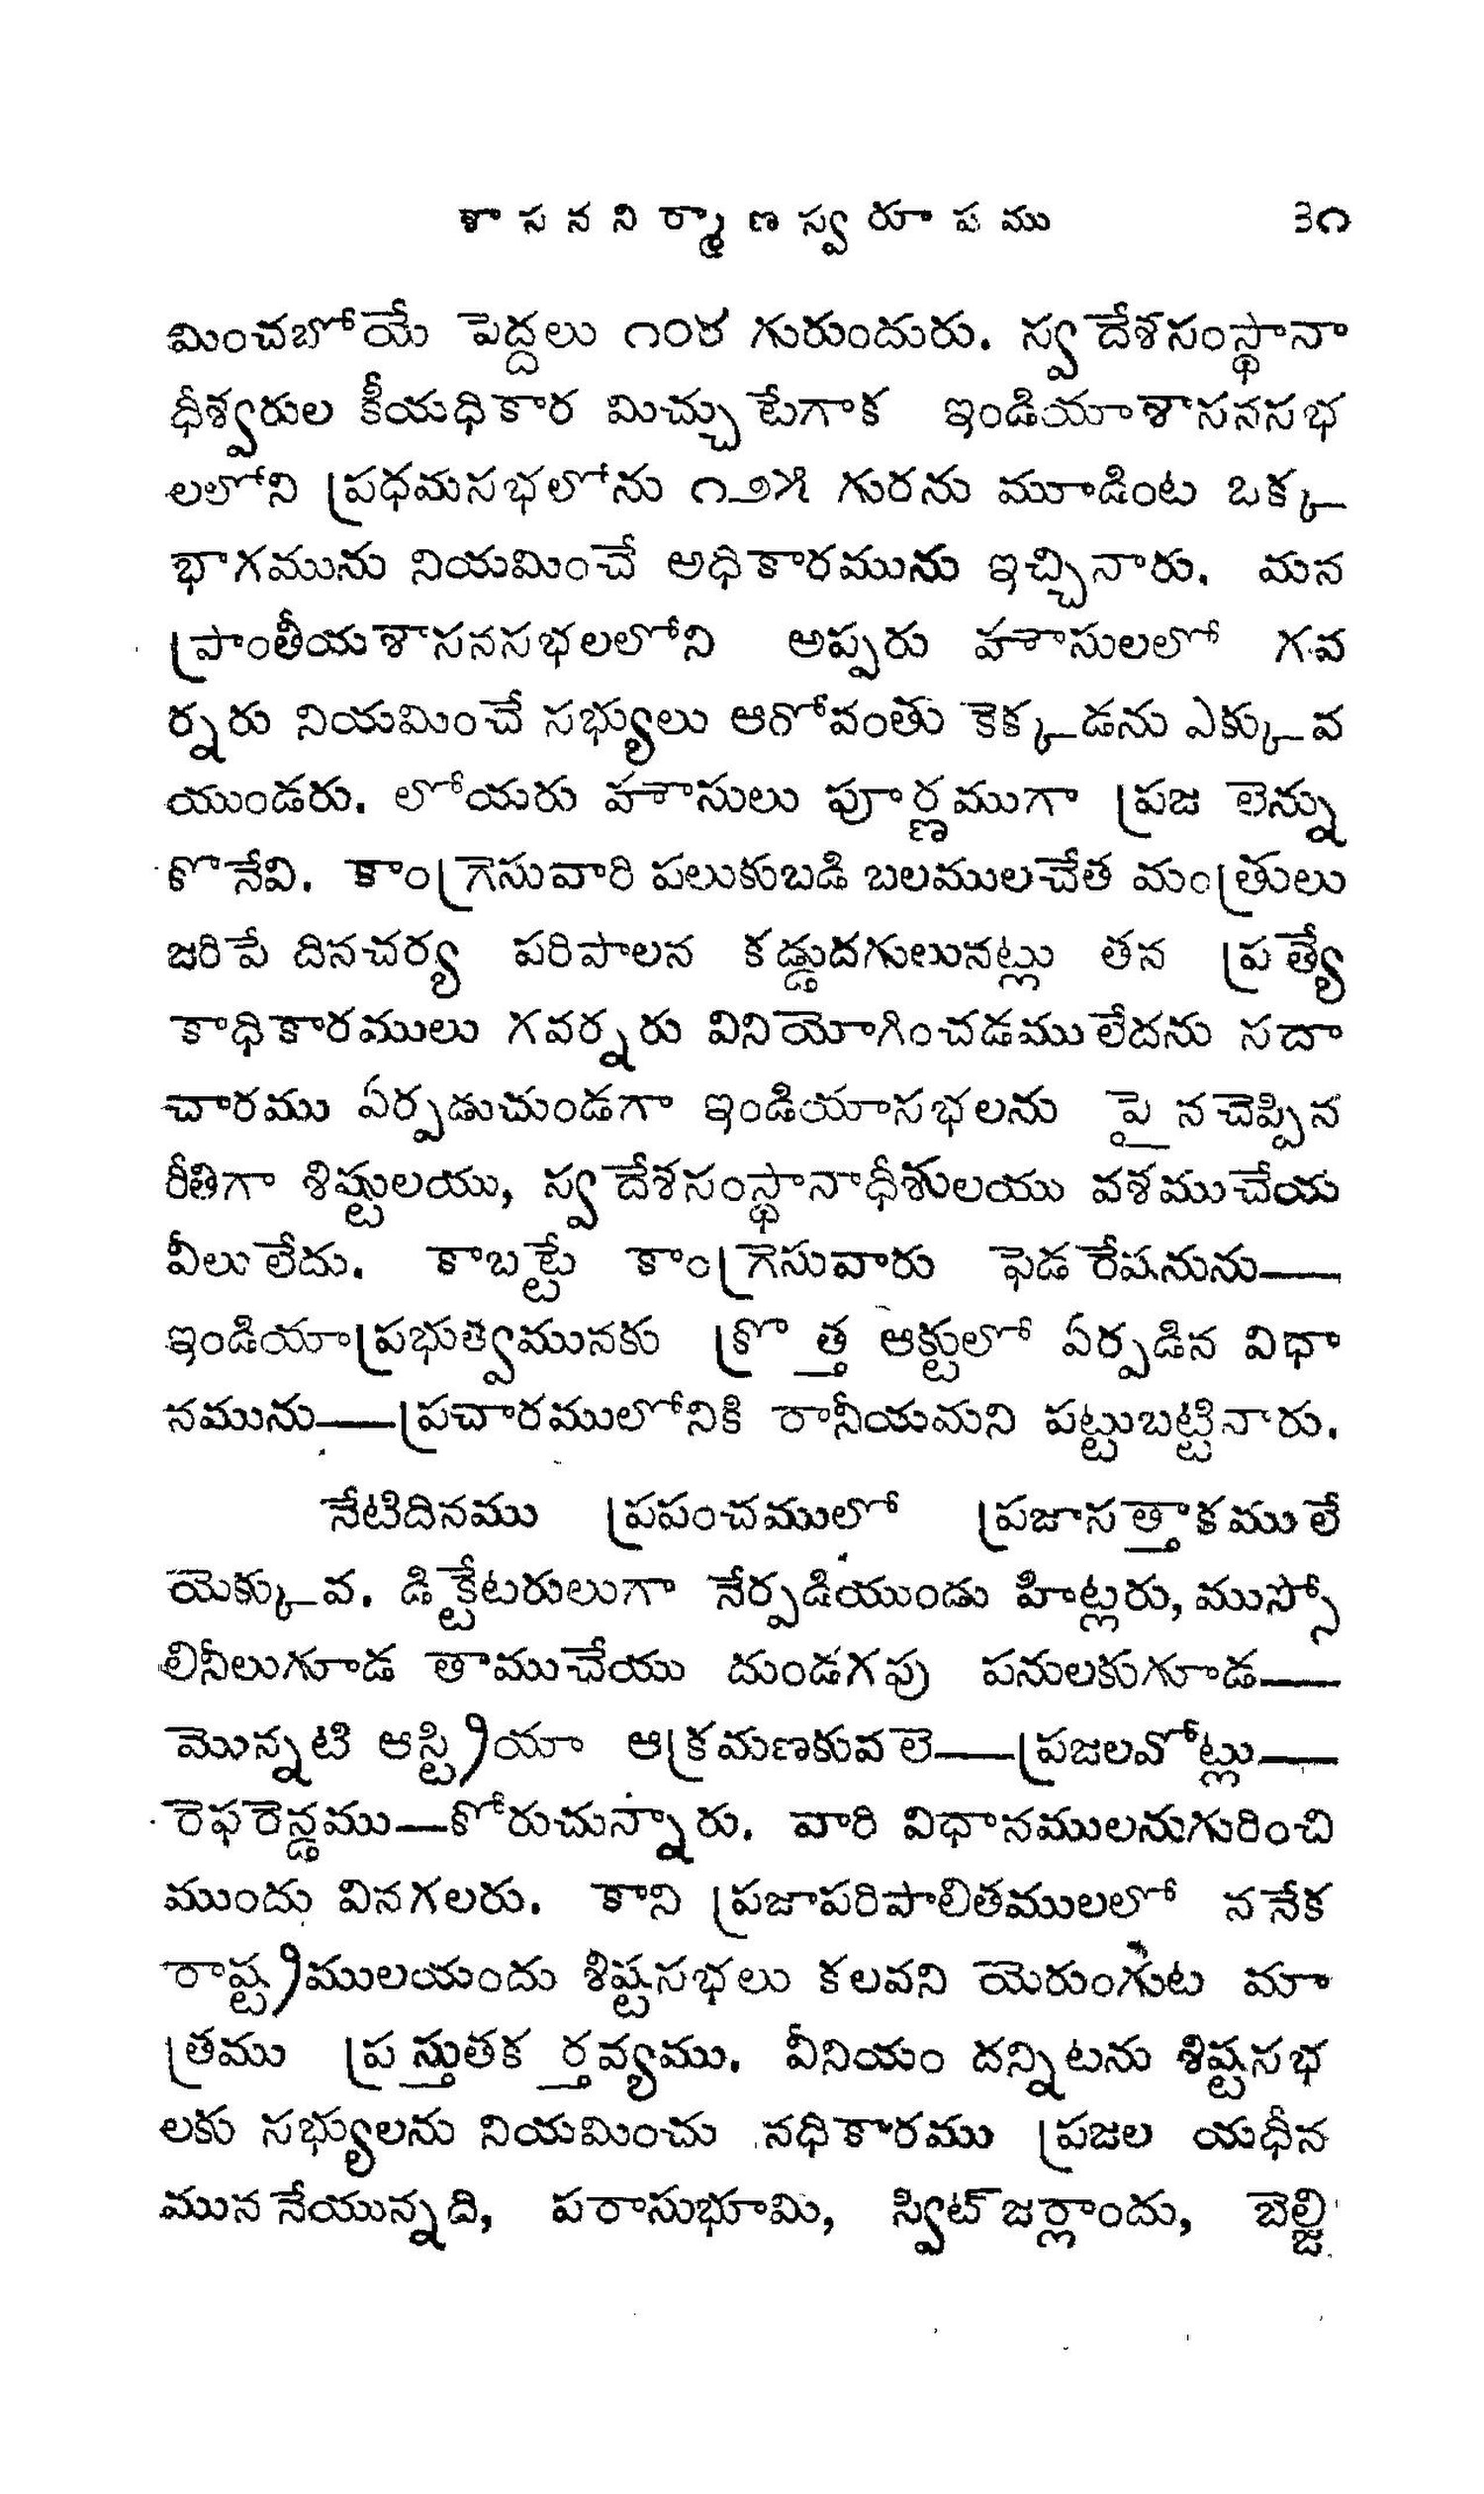మించబోయే పెద్దలు 104 గురుందురు. స్వదేశసంస్థానాధీశ్వరుల కీయధికార మిచ్చుటేగాక ఇండియాశాసనసభలలోని ప్రధమసభలోను 125 గురను మూడింట ఒక్కభాగమును నియమించే అధికారమును ఇచ్చినారు. మన ప్రాంతీయశాసనసభలలోని అప్పరు హౌసులలో గవర్నరు నియమించే సభ్యులు ఆరోవంతు కెక్కడను ఎక్కువ యుండరు. లోయరు హౌసులు పూర్ణముగా ప్రజ లెన్నుకొనేవి. కాంగ్రెసువారి పలుకుబడి బలములచేత మంత్రులు జరిపే దినచర్య పరిపాలన కడ్డుదగులునట్లు తన ప్రత్యేకాధికారములు గవర్నరు వినియోగించడములేదను సదాచారము ఏర్పడుచుండగా ఇండియాసభలను పైనచెప్పిన రీతిగా శిష్టులయు, స్వదేశసంస్థానాధీశులయు వశముచేయ వీలులేదు. కాబట్టే కాంగ్రెసువారు ఫెడరేషనును — ఇండియాప్రభుత్వమునకు క్రొత్త ఆక్టులో ఏర్పడిన విధానమును - ప్రచారములోనికి రానీయమని పట్టుబట్టినారు.

నేటిదినము ప్రపంచములో ప్రజాసత్తాకములే యెక్కువ. డిక్టేటరులుగా నేర్పడియుండు హిట్లరు, ముస్సోలినీలుగూడ తాముచేయు దుండగపు పనులకుగూడ - మొన్నటి ఆస్ట్రియా ఆక్రమణకువలె -ప్రజలవోట్లు - రెఫరెన్డము - కోరుచున్నారు. వారి విధానములనుగురించి ముందు వినగలరు. కాని ప్రజాపరిపాలితములలో ననేక రాష్ట్రములయందు శిష్టసభలు కలవని యెరుంగుట మాత్రము ప్రస్తుతకర్తవ్యము. వీనియం దన్నిటను శిష్టసభలకు సభ్యులను నియమించు నధికారము ప్రజల యధీనమున నేయున్నది, పరాసుభూమి, స్వీట్‌ర్లాందు, బెల్జి